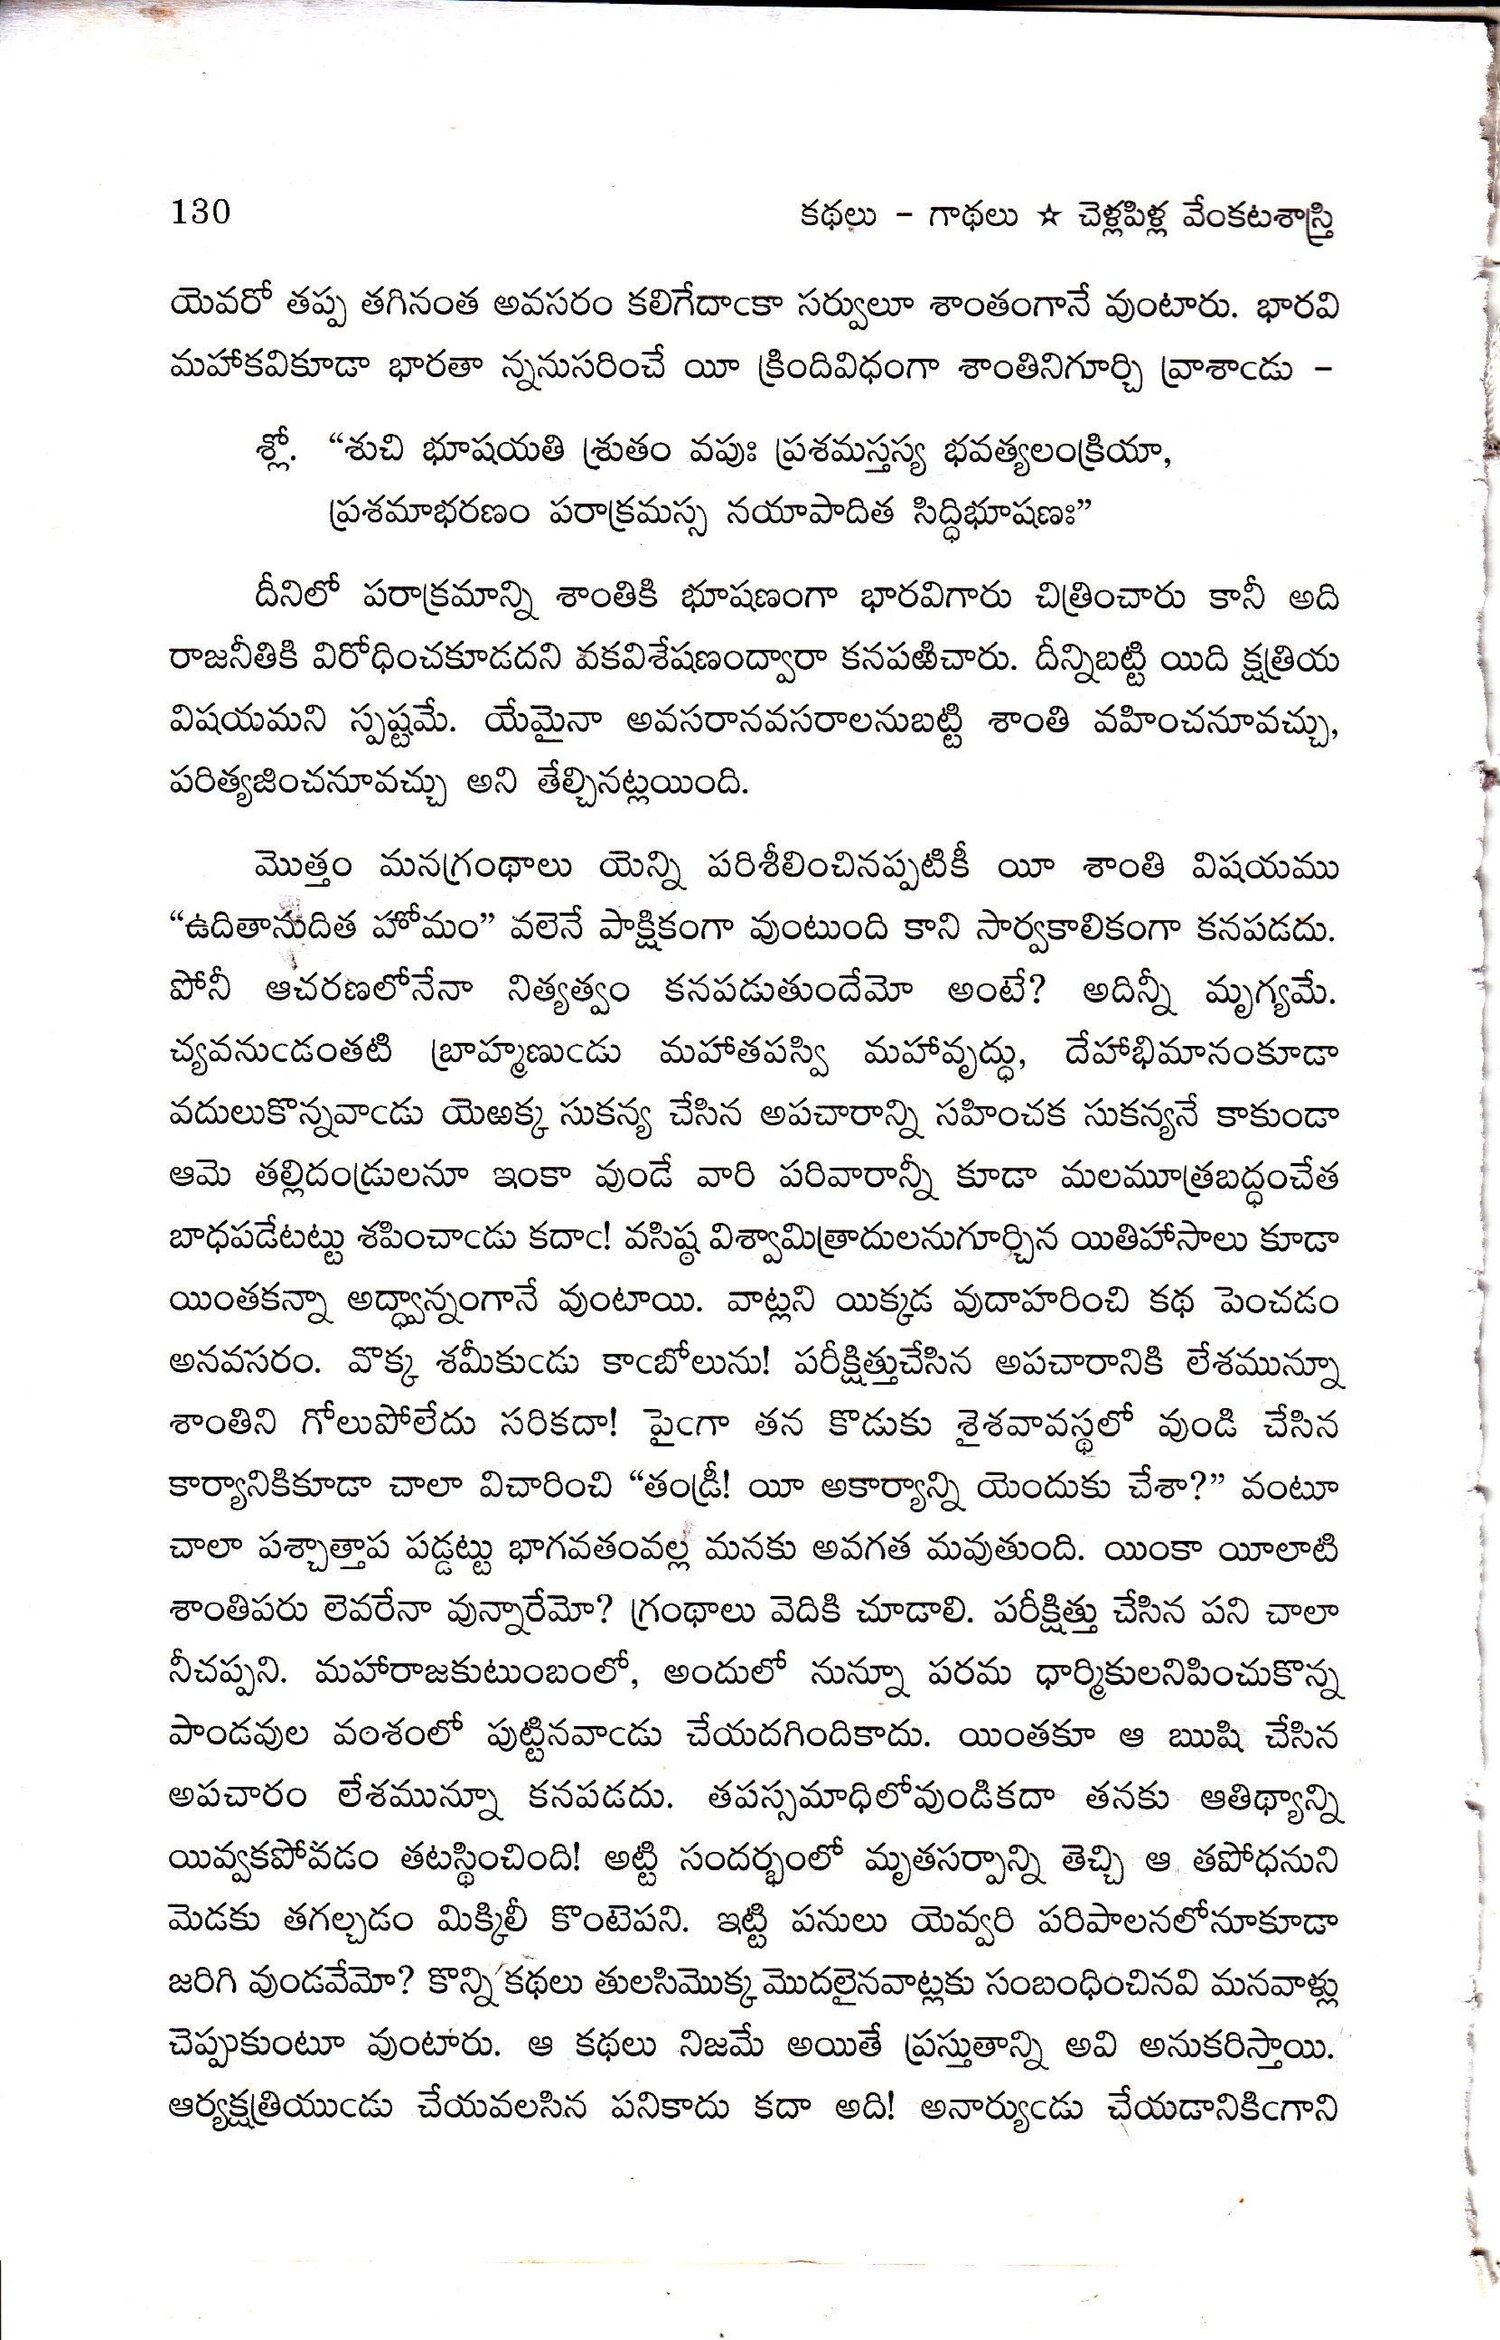యెవరో తప్ప తగినంత అవసరం కలిగేదాఁకా సర్వులూ శాంతంగానే వుంటారు. భారవి మహాకవికూడా భారతా న్ననుసరించే యీ క్రిందివిధంగా శాంతినిగూర్చి వ్రాశాcడు -

శ్లో. “శుచి భూషయతి శ్రుతం వపుః ప్రశమస్తస్య భవత్యలంక్రియా, 
 ప్రశమాభరణం పరాక్రమస్స నయాపాదిత సిద్ధిభూషణః"
దీనిలో పరాక్రమాన్ని శాంతికి భూషణంగా భారవిగారు చిత్రించారు కానీ అది రాజనీతికి విరోధించకూడదని వకవిశేషణంద్వారా కనపఱిచారు. దీన్నిబట్టి యిది క్షత్రియ విషయమని స్పష్టమే. యేమైనా అవసరానవసరాలనుబట్టి శాంతి వహించనూవచ్చు, పరిత్యజించనూవచ్చు అని తేల్చినట్లయింది.

మొత్తం మనగ్రంథాలు యెన్ని పరిశీలించినప్పటికీ యీ శాంతి విషయము "ఉదితానుదిత హోమం" వలెనే పాక్షికంగా వుంటుంది కాని సార్వకాలికంగా కనపడదు. పోనీ ఆచరణలోనేనా నిత్యత్వం కనపడుతుందేమో అంటే? అదిన్నీ మృగ్యమే. చ్యవనుఁడంతటి బ్రాహ్మణుఁడు మహాతపస్వి మహావృదు, దేహాభిమానంకూడా వదులుకొన్నవాఁడు యెఱక్క సుకన్య చేసిన అపచారాన్ని సహించక సుకన్యనే కాకుండా ఆమె తల్లిదండ్రులనూ ఇంకా వుండే వారి పరివారాన్నీ కూడా మలమూత్రబద్ధంచేత బాధపడేటట్టు శపించాఁడు కదాఁ! వసిష్ట విశ్వామిత్రాదులనుగూర్చిన యితిహాసాలు కూడా యింతకన్నా అద్ద్వాన్నంగానే వుంటాయి. వాట్లని యిక్కడ వుదాహరించి కథ పెంచడం అనవసరం. వొక్క శమీకుఁడు కాఁబోలును! పరీక్షిత్తుచేసిన అపచారానికి లేశమున్నూ శాంతిని గోలుపోలేదు సరికదా! పైఁగా తన కొడుకు శైశవావస్థలో వుండి చేసిన కార్యానికికూడా చాలా విచారించి “తండ్రీ! యీ అకార్యాన్ని యెందుకు చేశా?” వంటూ చాలా పశ్చాత్తాప పడ్డట్టు భాగవతంవల్ల మనకు అవగత మవుతుంది. యింకా యీలాటి శాంతిపరు లెవరేనా వున్నారేమో? గ్రంథాలు వెదికి చూడాలి. పరీక్షిత్తు చేసిన పని చాలా నీచప్పని. మహారాజకుటుంబంలో, అందులో నున్నూ పరమ ధార్మికులనిపించుకొన్న పాండవుల వంశంలో పుట్టినవాఁడు చేయదగిందికాదు. యింతకూ ఆ ఋషి చేసిన అపచారం లేశమున్నూ కనపడదు. తపస్సమాధిలోవుండికదా తనకు ఆతిథ్యాన్ని యివ్వకపోవడం తటస్థించింది! అట్టి సందర్భంలో మృతసర్పాన్ని తెచ్చి ఆ తపోధనుని మెడకు తగల్చడం మిక్కిలీ కొంటెపని. ఇట్టి పనులు యెవ్వరి పరిపాలనలోనూకూడా జరిగి వుండవేమో? కొన్ని కథలు తులసిమొక్క మొదలైనవాట్లకు సంబంధించినవి మనవాళ్లు చెప్పకుంటూ వుంటారు. ఆ కథలు నిజమే అయితే ప్రస్తుతాన్ని అవి అనుకరిస్తాయి. ఆర్యక్షత్రియుఁడు చేయవలసిన పనికాదు కదా అది! అనార్యుఁడు చేయడానికిఁగాని